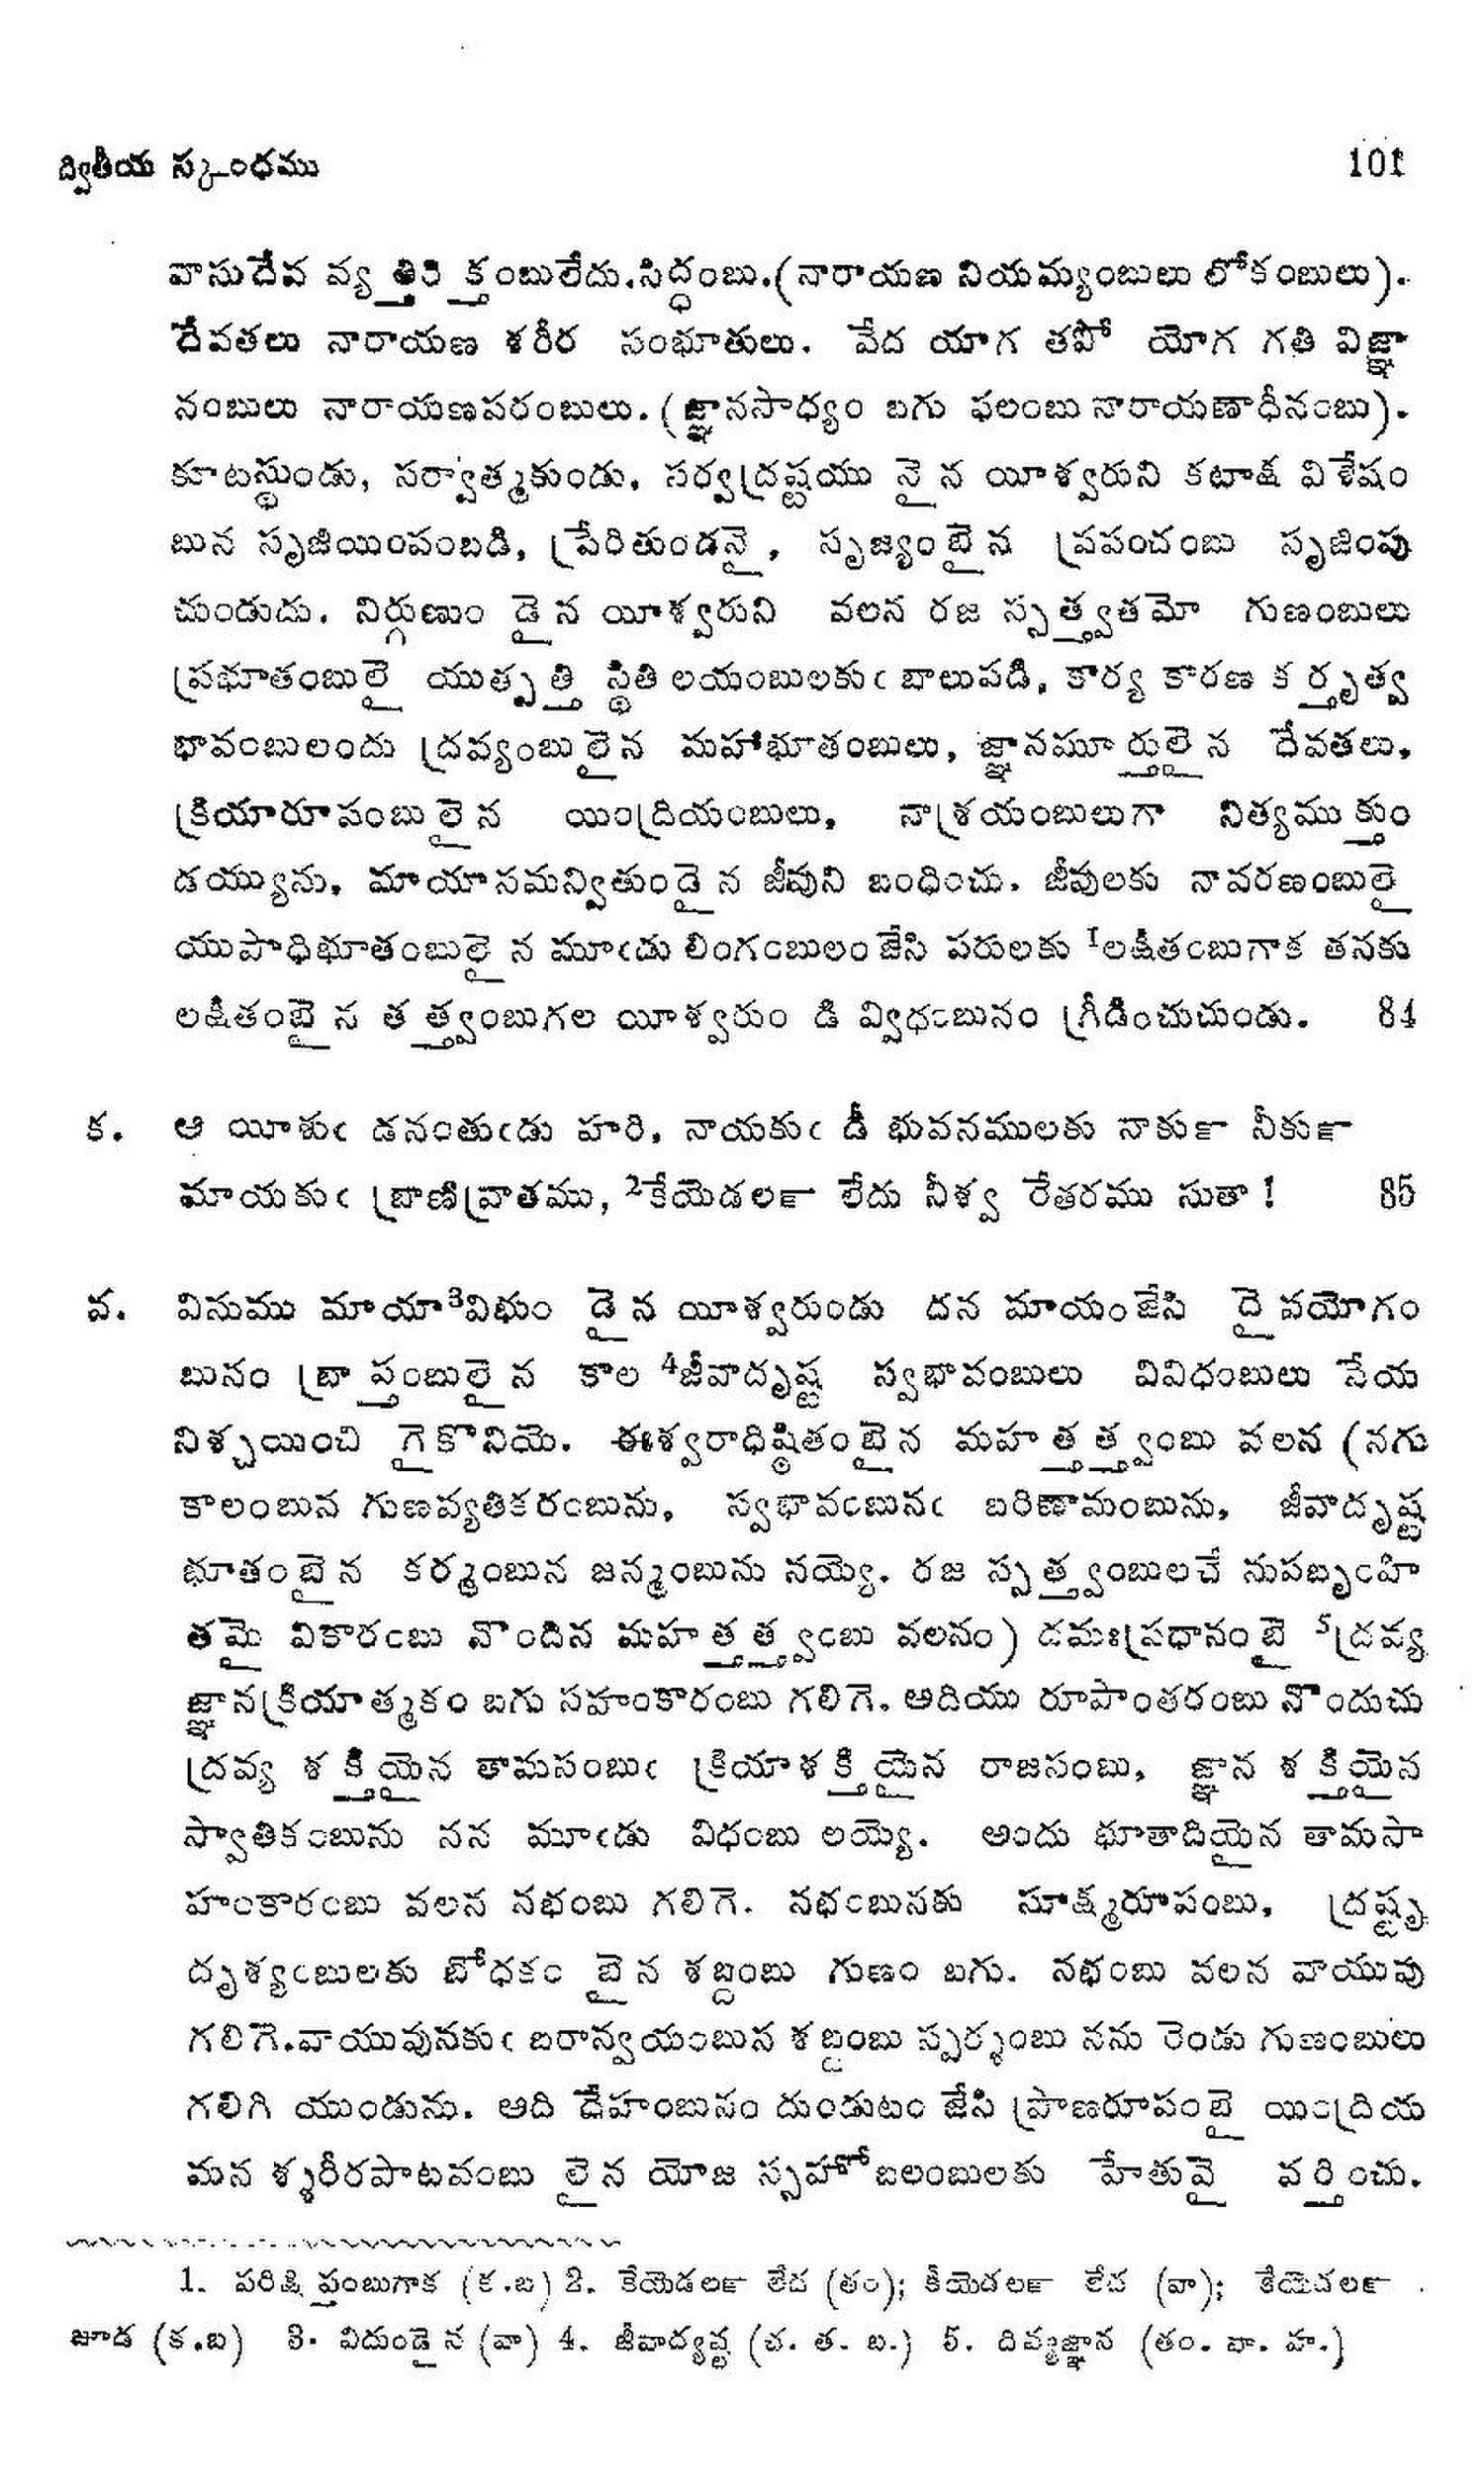101

వాసుదేవ వ్యత్తిరిక్తంబులేదు, సిద్ధంబు. ( నారాయణ నియమ్యంబులు లోకంబులు). దేవతలు నారాయణ శరీర సంభూతులు. వేద యాగ తపో యోగ గతి విజ్ఞానంబులు నారాయణపరంబులు. (జ్ఞానసాధ్యం బగు ఫలంబు నారాయణాధీనంబు). కూటస్థుండు, సర్వాత్మకుండు, సర్వద్రష్టయునైన యీశ్వరుని కటాక్ష విశేషంబున సృజియింపంబడి, ప్రేరితుండనై, సృజ్యంబైన ప్రపంచంబు సృజింపుచుండుదు. నిర్గుణుం డైన యీశ్వరుని వలన రజస్సత్త్వతమో గుణంబులు ప్రభూతంబులై యత్పత్తి స్థితి లయంబులకుఁ బాలుపడి, కార్యకారణ కర్తృత్వ భావంబులందు ద్రవ్యంబులైన మహాభూతంబులు, జ్ఞానమూర్తులైన దేవతలు, క్రియారూపంబులైన యింద్రియంబులు, నాశ్రయంబులుగా నిత్యముక్తుండయ్యును, మాయ సమన్వితుండైన జీవుని బంధించు. జీవులకు నావరణంబులై యుపాధిభూతంబులైన మూఁడు లింగంబులంజేసి పరులకు లక్షితంబుగాక తనకు లక్షితంబైన తత్వంబు గల యీశ్వరుం డి వ్విధంబునం గ్రీడించుచుండు. ( 84 )

క. ఆ యీశుఁ డనంతుఁడు హరి, నాయకుఁ డీ భువనములకు నాకున్ నీకున్ 

మాయకుఁ బ్రాణివ్రాతము, కేయెడలన్ లేదు నీశ్వ రేతరము సుతా! ( 85 )

వ. వినుము మాయావిభుండైన యీశ్వరుండు దన మాయంజేసి దైవయాగంబునం బ్రాప్తంబులైన కాల జీవాదృష్ట స్వభావంబులు వివిధంబులు సేయ నిశ్చయించి గైకొనియె. ఈశ్వరాధిష్త్హతంబైన మహత్తత్త్వంబు వలన ( నగు కాలంబున గుణ వ్యతికరంబును స్వభావంబునఁ బరిణామంబును, జీవాదృష్ట భూతంబైన కర్మంబున జన్మంబును నయ్యె. రజ స్సత్త్వంబులచే నుపబృంహితమై వికారంబు నొందిన మహాత్తత్త్వంబు వలనం) దమ:ప్రధానంబై ద్రవ్య జ్ఞానక్రియాత్మకంబగు నహంకారంబు గలిగె. అదియు రూపాంతరంబు నొంచుచు ద్రవ్య శక్తియైన తామసంబుఁ క్రియాశక్తియైన రాజసంబు, జ్ఞాన శక్తియైన స్వాతికంబును నన మూఁడు విధంబులయ్యె. అందు భూతాదియైన తామసాహంకారంబు వలన నభంబు గలిగె. నభంబునకు సూక్ష్మరూపంబుఁ ద్రష్టృ దృశ్యంబులకు బోధకం బైన శబ్ద్ంబు గుణం బగు. నభంబు వలన వాయువు గలిగె. వాయువునకుఁ బరాన్వయంబున శబ్దంబు స్పర్శంబు నను రెండు గుణంబులు గలిగి యుండును. అది దేహంబునందుండుటం జేసి ప్రాణరూపంబై యింద్రియ మన శ్శరీరపాటవంబు లైన యోజస్సహోబలంబులకు హేతువై వర్తించు.